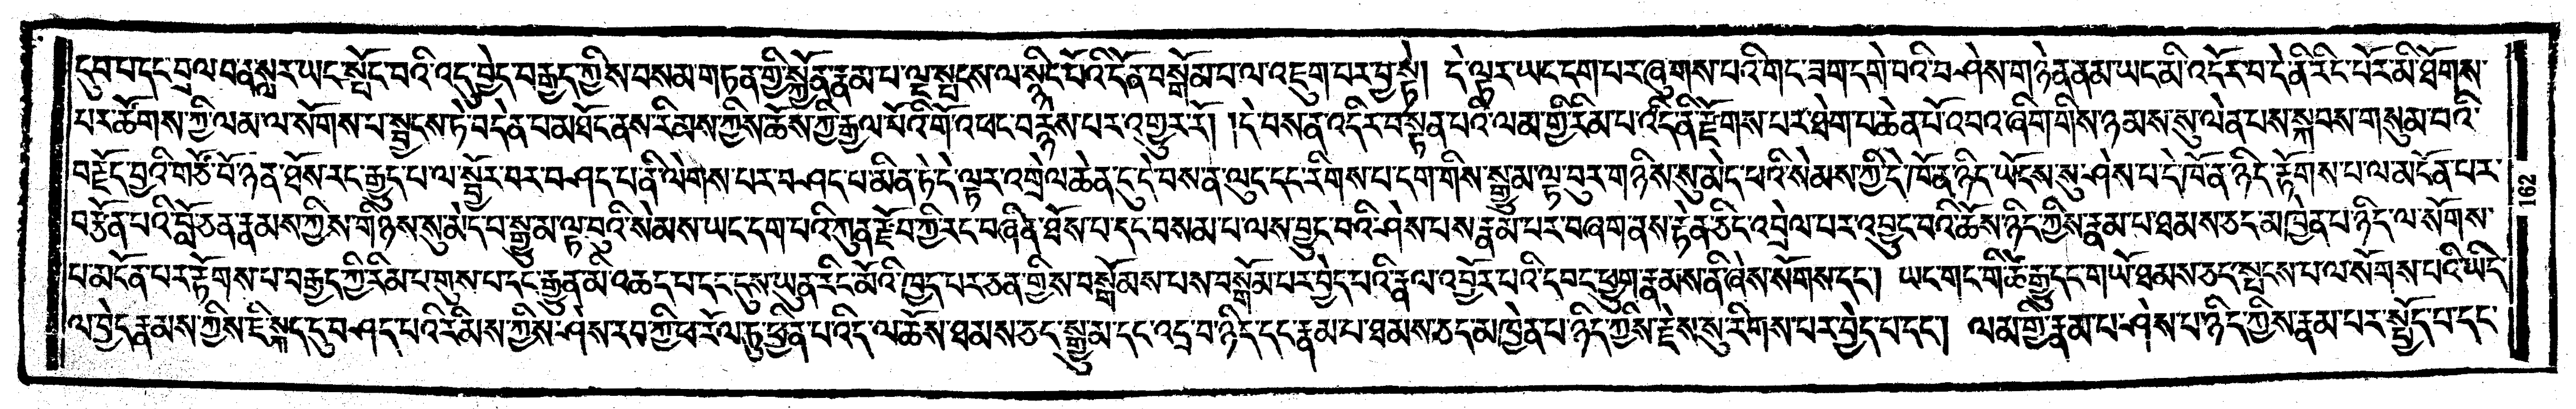དུབ་པ་དང་བྲལ་བ་ན་སླར་ཡང་སྤོང་བའི་འདུ་བྱེད་བརྒྱད་ཀྱིས་བསམ་གཏན་གྱི་སྐྱོན་རྣམ་པ་ལྔ་སྤངས་ལ་སྙིང་པོའི་དོན་བསྒོམ་པ་ལ་འཇུག་པར་བྱ་སྟེ། དེ་ལྟར་ཡང་དག་པར་ཞུགས་པའི་གང་ཟག་དགེ་བའི་བཤེས་གཉེན་ནམ་ཡང་མི་འདོར་བ་དེ་ནི་རིང་པོར་མི་ཐོགས་
པར་ཚོགས་ཀྱི་ལམ་ལ་སོགས་པ་སྦྱངས་ཏེ་བདེན་པ་མཐོང་ནས་རིམས་ཀྱིས་ཆོས་ཀྱི་རྒྱལ་པོའི་གོ་འཕང་བརྙེས་པར་འགྱུར་རོ། །དེ་བས་ན་འདིར་བསྟན་པའི་ལམ་གྱི་རིམ་པ་འདི་ནི་རྫོགས་པར་ཐེག་པ་ཆེན་པོ་འབའ་ཞིག་གིས་ཉམས་སུ་ལེན་པས་སྐབས་གསུམ་པའི་
བརྗོད་བྱའི་གཙོ་བོ་ཉན་ཐོས་རང་རྒྱུད་པ་ལ་སྦྱོར་བར་བཤད་པ་ནི་ལེགས་པར་བཤད་པ་མིན་ཏེ་དེ་ལྟར་འགྲེལ་ཆེན་དུ་དེ་བས་ན་ལུང་དང་རིགས་པ་དག་གིས་སྒྱུ་མ་ལྟ་བུར་གཉིས་སུ་མེད་པའི་སེམས་ཀྱི་དེ་ཁོ་ན་ཉིད་ཡོངས་སུ་ཤེས་པ་དེ་ཁོ་ན་ཉིད་རྟོགས་པ་ལ་མངོན་པར་
བརྩོན་པའི་བློ་ཅན་རྣམས་ཀྱིས་གཉིས་སུ་མེད་པ་སྒྱུ་མ་ལྟ་བུའི་སེམས་ཡང་དག་པའི་ཀུན་རྫོབ་ཀྱི་རང་བཞིན་ཐོས་པ་དང་བསམ་པ་ལས་བྱུང་བའི་ཤེས་པས་རྣམ་པར་བཞག་ནས་རྟེན་ཅིང་འབྲེལ་བར་འབྱུང་བའི་ཆོས་ཉིད་ཀྱིས་རྣམ་པ་ཐམས་ཅད་མཁྱེན་པ་ཉིད་ལ་སོགས་
པ་མངོན་པར་རྟོགས་པ་བརྒྱད་ཀྱི་རིམ་པ་གུས་པ་དང་རྒྱུན་མི་འཆད་པ་དང་དུས་ཡུན་རིང་མོའི་ཁྱད་པར་ཅན་གྱིས་བསྒོམས་པས་བསྒོམ་པར་བྱེད་པའི་རྣལ་འབྱོར་པའི་དབང་ཕྱུག་རྣམས་ནི་ཞེས་སོགས་དང་། ཡང་གང་གི་ཚེ་རྒྱུ་དང་གཡོ་ཐམས་ཅད་སྤངས་པ་ལ་སོགས་པའི་ཡིད་
ལ་བྱེད་རྣམས་ཀྱིས་ཇི་སྐད་དུ་བཤད་པའི་རིམས་ཀྱིས་ཤེས་རབ་ཀྱི་ཕ་རོལ་ཏུ་ཕྱིན་པ་འདི་ལ་ཆོས་ཐམས་ཅད་སྒྱུ་མ་དང་འདྲ་བ་ཉིད་དང་རྣམ་པ་ཐམས་ཅད་མཁྱེན་པ་ཉིད་ཀྱིས་རྗེས་སུ་རིགས་པར་བྱེད་པ་དང་། ལམ་གྱི་རྣམ་པ་ཤེས་པ་ཉིད་ཀྱིས་རྣམ་པར་སྤྱོད་པ་དང་